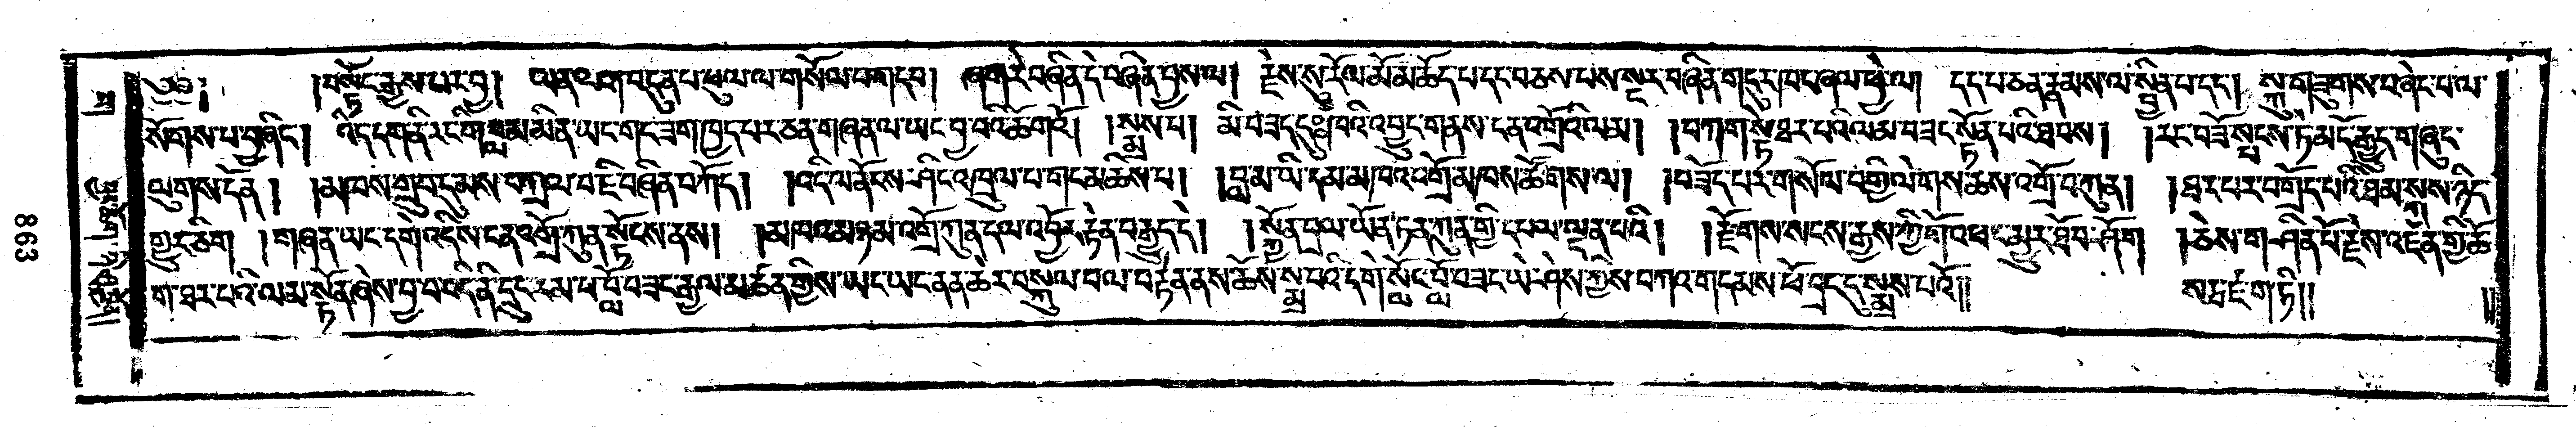༄༅། །བསྟོང་རྒྱས་པར་བྱ། ཡན་ལག་བདུན་པ་ཕུལ་ལ་གསོལ་བ་གདབ། ཞག་རེ་བཞིན་དེ་བཞིན་བྱས་ལ། རྗེས་སུ་རོལ་མོ་མཆོད་པ་དང་བཅས་པས་སྔར་བཞིན་གདུར་ཁང་ཞལ་ཕྱེ་ལ། དད་པ་ཅན་རྣམས་ལ་སྦྱིན་པ་དང་། སྐུ་གཟུགས་བཞེང་པ་ལ་
སོགས་པ་བྱ་ཞིང་། འདི་དག་ནི་རང་གི་བླ་མ་མིན་ཡང་གང་ཟག་ཁྱད་པར་ཅན་གཞན་ལ་ཡང་བྱ་བའི་ཆོ་གའོ། །སྨྲས་པ། མི་བཟད་དུཿ ཁའི་འབྱུང་གནས་ངན་འགྲོའི་ལམ། །བཀག་སྟེ་ཐར་བའི་ལམ་བཟང་སྟོན་པའི་ཐབས། །རང་བཟོ་སྤངས་ཏེ་མདོ་རྒྱུད་གཞུང་
ལུགས་དོན། །མཁས་གྲུབ་དུ་མས་བཀྲལ་བ་ཇི་བཞིན་བཀོད། །འདི་ལ་ནོངས་ཤིང་འཁྲུལ་པ་གང་མཆིས་པ། །བླ་མ་ཡི་དམ་མཁའ་འགྲོ་མཁས་ཚོགས་ལ། །བཟོད་པར་གསོལ་བགྱི་ལེགས་ཆས་འགྲོ་བ་ཀུན། །ཐར་པར་བགྲོད་པའི་ཐམ་སྐས་ཉིད་
གྱུར་ཅིག །གཞན་ཡང་དགེ་འདིས་ངན་འགྲོ་ཀུན་སྟོངས་ནས། །མཁའ་མཉམ་འགྲོ་ཀུན་དལ་འབྱོར་རྟེན་བརྒྱུད་དེ། །སྐྱོན་བྲལ་ཡོན་ཏན་ཀུན་གྱི་དཔལ་ལྡན་པའི། །རྫོགས་སངས་རྒྱས་ཀྱི་གོ་འཕང་མྱུར་ཐོབ་ཤོག །ཅེས་གཤིན་པོ་རྗེས་འཛིན་གྱི་ཆོ་
ག་ཐར་པའི་ལམ་སྟོན་ཞེས་བྱ་བ་འདི་ནི་དྲུང་རམ་པ་བློ་བཟང་རྒྱལ་མཚན་གྱིས་ཡང་ཡང་ནན་ཆེར་བསྐུལ་བ་ལ་བརྟེན་ནས་ཆོས་སྨྲ་བའི་དགེ་སློང་བློ་བཟང་ཡེ་ཤེས་ཀྱིས་བཀའ་གདམས་ཕོ་བྲང་དུ་སྨྲས་པའོ། །སརྦ་ཛ་ག་ཏི།། །།